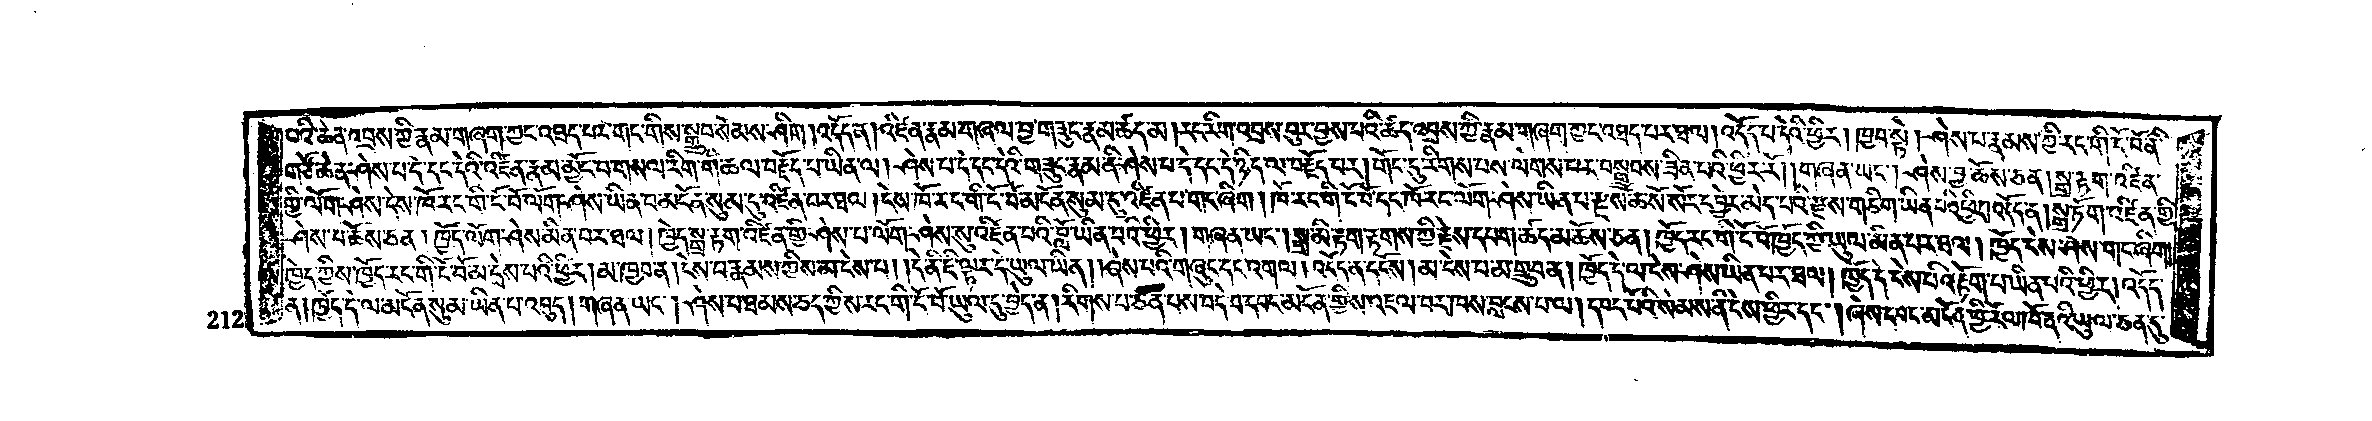པའི་ཚད་འབྲས་ཀྱི་རྣམ་གཞག་ཀྱང་འཐད་པར་གང་གིས་སྒྲུབ་སེམས་ཤིག །འདོད་ན། འཛིན་རྣམ་གཞལ་བྱ་གཟུང་རྣམ་ཚད་མ། རང་རིག་འབྲས་བུར་བྱས་པའི་ཚད་འབྲས་ཀྱི་རྣམ་གཞག་ཀྱང་འཐད་པར་ཐལ། འདོད་པ་དེའི་ཕྱིར། ཁྱབ་སྟེ། ཤེས་པ་རྣམས་ཀྱི་རང་གི་ངོ་བོ་ནི་
གཙོ་ཆེར་ཤེས་པ་དེ་དང་དེའི་འཛིན་རྣམ་མྱོང་བ་གསལ་རིག་གི་ཆལ?་བརྗོད་པ་ཡིན་ལ། ཤེས་པ་དེ་དང་དེའི་གཟུང་རྣམ་ནི་ཤེས་པ་དེ་དང་དེ་ཉིད་ལ་བརྗོད་པར། གོང་དུ་རིགས་པས་ལེགས་པར་བསྒྲུབས་ཟིན་པའི་ཕྱིར་རོ། །གཞན་ཡང་། ཤེས་བྱ་ཆོས་ཅན། སྒྲ་རྟག་འཛིན་
གྱི་ལོག་ཤེས་དེས་ཁོ་རང་གི་ངོ་བོ་ལོག་ཤེས་ཡིན་པ་མངོན་སུམ་དུ་འཛིན་པར་ཐལ། དེས་ཁོ་རང་གི་ངོ་བོ་མངོན་སུམ་དུ་འཛིན་པ་གང་ཞིག །ཁོ་རང་གི་ངོ་བོ་དང་ཁོ་རང་ལོག་ཤེས་ཡིན་པ་རྫས་ཆ་སོ་སོར་དབྱེར་མེད་པའི་རྫས་གཅིག་ཡིན་པའི་ཕྱིར། འདོད་ན། སྒྲ་ཏོག་འཛིན་གྱི་
ཤེས་པ་ཆོས་ཅན། ཁྱོད་ལོག་ཤེས་མིན་པར་ཐལ། ཁྱོད་སྒྲ་རྟག་འཛིན་གྱི་ཤེས་པ་ལོག་ཤེས་སུ་འཛིན་པའི་བློ་ཡིན་པའི་ཕྱིར། གཞན་ཡང་། སྒྲ་མི་རྟག་རྟགས་ཀྱི་རྗེས་དཔག་ཚད་མ་ཆོས་ཅན། ཁྱོད་རང་གི་ངོ་བོ་ཁྱོད་ཀྱི་ཡུལ་མིན་པར་ཐལ། ཁྱོད་ངེས་ཤེས་གང་ཞིག །
ཁྱོད་ཀྱིས་ཁྱོད་རང་གི་ངོ་བོ་མ་ངེས་པའི་ཕྱིར། མ་ཁྱབ་ན། ངེས་པ་རྣམས་ཀྱི་མ་ངེས་པ། །དེ་ནི་ཇི་ལྟར་དེ་ཡུལ་ཡིན། །ཞེས་པའི་གཞུང་དང་འགལ། འདོད་ན་དངོས། མ་ངེས་པ་མ་གྲུབ་ན། ཁྱོད་དེ་ལ་ངེས་ཤེས་ཡིན་པར་ཐལ། ཁྱོད་དེ་ངེས་པའི་རྟོག་པ་ཡིན་པའི་ཕྱིར། འདོད་
ན། ཁྱོད་དེ་ལ་མངོན་སུམ་ཡིན་པ་འབུད། གཞན་ཡང་། ཤེས་པ་ཐམས་ཅད་ཀྱིས་རང་གི་ངོ་བོ་ཡུལ་དུ་བྱེད་ན། རིགས་པ་ཅན་པས་བདེ་བ་དབང་མངོན་གྱིས་འཇལ་བར་ཁས་བླངས་པ་ལ། དབང་པོའི་སེམས་ནི་ངེས་ཕྱིར་དང་། ཞེས་དབང་མངོན་ཕྱི་རོལ་ཁོ་ནའི་ཡུལ་ཅན་དུ་